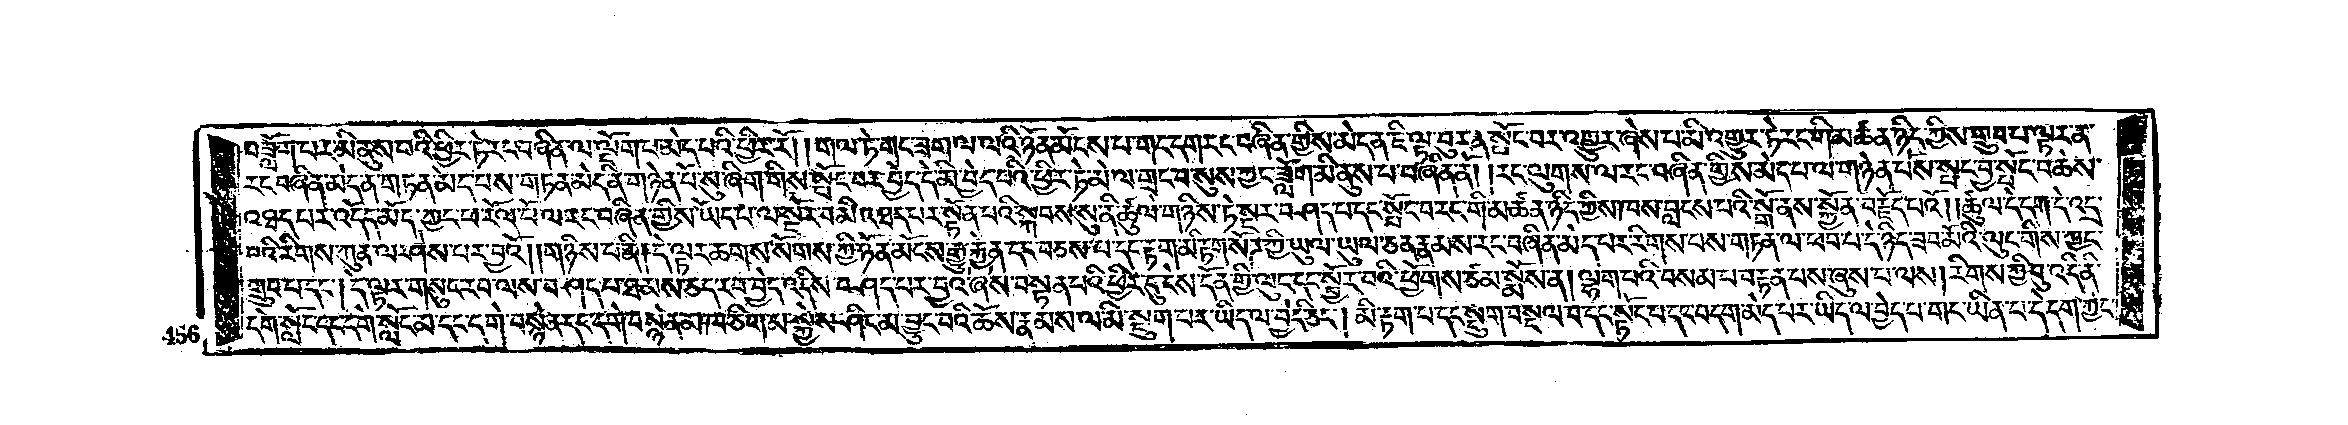ཟློག་པར་མི་ནུས་པའི་ཕྱིར་ཏེ་རང་བཞིན་ལ་ལྡོག་པ་མེད་པའི་ཕྱིར་རོ། །གལ་ཏེ་གང་ཟག་ལ་ལའི་ཉོན་མོངས་པ་གང་དག་རང་བཞིན་གྱིས་མེད་ན་ཇི་ལྟ་བུར་ན་སྤོང་བར་འགྱུར་ཞེས་པ་མི་འགྱུར་ཏེ་རང་གི་མཚན་ཉིད་ཀྱིས་གྲུབ་པ་ལྟར་ན་
རང་བཞིན་མེད་ན་གཏན་མེད་པས་གཏན་མེད་ནི་གཉེན་པོ་སུ་ཞིག་གིས་སྤོང་བར་བྱེད་དེ་མི་བྱེད་པའི་ཕྱིར་ཏེ་མེ་ལ་གྲང་བ་སུས་ཀྱང་ཟློག་མི་ནུས་པ་བཞིན་ནོ། །རང་ལུགས་ལ་རང་བཞིན་གྱིས་མེད་པ་ལ་གཉེན་པོས་སྤང་བྱ་སྤོང་བ་ཆེས་
འཐད་པར་འདོད་མོད་ཀྱང་ཕ་རོལ་པོ་ལ་རང་བཞིན་གྱིས་ཡོད་པ་ལ་སྡོང་པ་མི་འཐད་པར་སྟོན་པའི་སྐབས་སུ་ནི་ཚུལ་གཉིས་ཏེ་སྔར་བཤད་པ་དང་སྤོང་བ་རང་གི་མཚན་ཉིད་ཀྱིས་ཁས་བླངས་པའི་སྒོ་ནས་སྐྱོན་བརྗོད་པའོ། །ཚུལ་དེ་དག་དེ་འདྲ་
བའི་རིགས་ཀུན་ལ་ཤེས་པར་བྱའོ། །གཉིས་པ་ནི། དེ་ལྟར་ཆགས་སོགས་ཀྱི་ཉོན་མོངས་རྒྱུ་རྐྱེན་དང་བཅས་པ་དང་རྟག་མི་རྟག་སོཌ་ཀྱི་ཡུལ་ཡུལ་ཅན་རྣམས་རང་བཞིན་མེད་པར་རིགས་པས་གཏན་ལ་ཕབ་པ་དེ་ཉིད་ཟབ་མོའི་ལུང་གིས་ཀྱང་
གྲུབ་པ་དང་། དེ་ལྟར་གསུང་རབ་ལས་བཤད་པ་ཐམས་ཅད་རབ་བྱེད་འདིས་བཤད་པར་བྱའོ་ཞེས་བསྟན་པའི་ཕྱིར་དུ་ངེས་དོན་གྱི་ལུང་དང་སྦྱོར་བའི་ཕྱོགས་ཙམ་སྨོས་ན། ལྷག་པའི་བསམ་པ་བརྟན་པས་ཞུས་པ་ལས། རིགས་ཀྱི་བུ་འདི་ནི་
དགེ་སློང་དང་དགེ་སློང་མ་དང་དགེ་བསྙེན་དང་དགེ་བསྙེན་མ་ཁ་ཅིག་མ་སྐྱེས་ཤིང་མ་བྱུང་བའི་ཆོས་རྣམས་ལ་མི་སྡུག་པར་ཡིད་ལ་བྱེད་ཅིང་། མི་རྟག་པ་དང་སྡུག་བསྔལ་བ་དང་སྟོང་པ་དང་བདག་མེད་པར་ཡིད་ལ་བྱེད་པ་གང་ཡིན་པ་དེ་དག་ཀྱང་